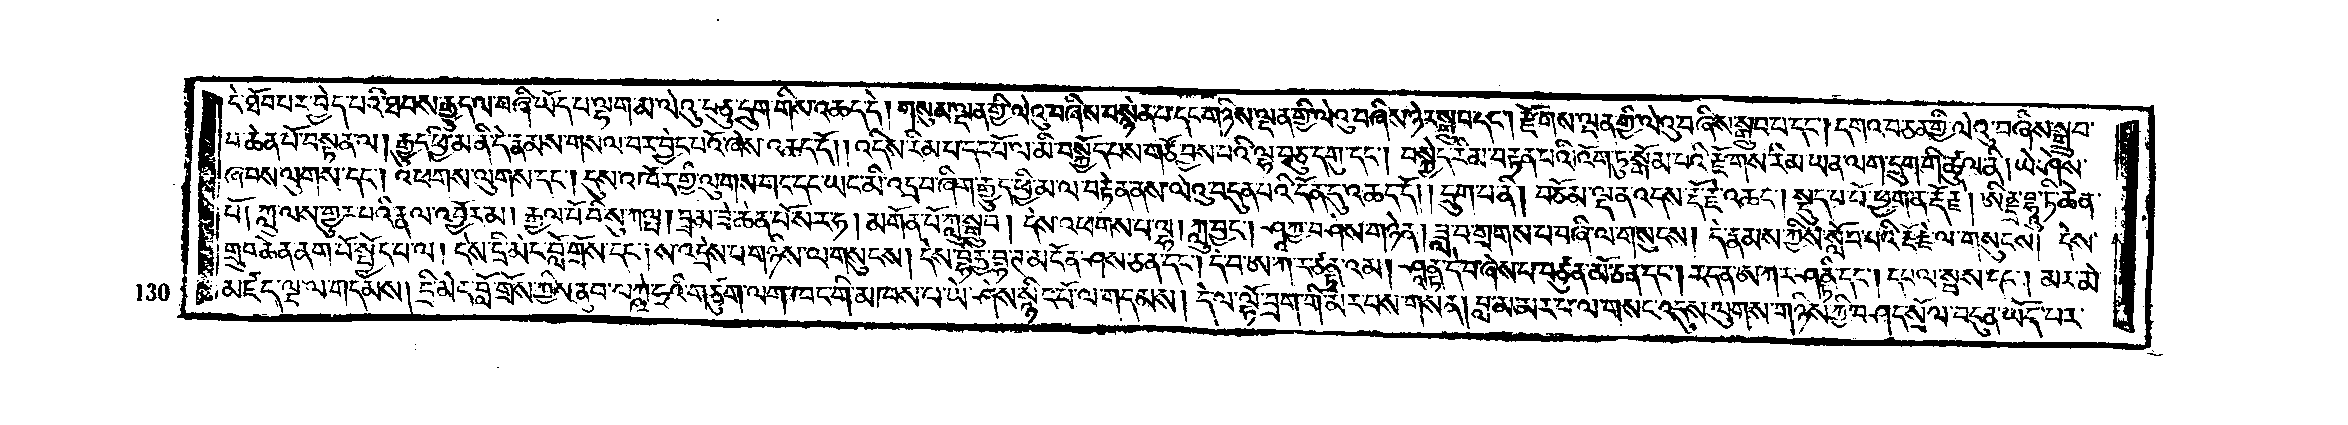དེ་ཐོབ་པར་བྱེད་པའི་ཐབས་རྒྱུད་ལ་བཞི་ཡོད་པ་ལྷག་མ་ལེའུ་བཅུ་དྲུག་གིས་འཆད་དེ། གསུམ་ལྡན་གྱི་ལེའུ་བཞིས་བསྙེན་པ་དང་གཉིས་ལྡན་གྱི་ལེའུ་བཞིས་ཉེར་སྒྲུབ་དང་། རྫོགས་ལྡན་གྱི་ལེའུ་བཞིས་སྒྲུབ་པ་དང་། དགའ་བ་ཅན་གྱི་ལེའུ་བཞིས་སྒྲུབ་
པ་ཆེན་པོ་བསྟན་ལ། རྒྱུད་ཕྱི་མ་ནི་དེ་རྣམས་གསལ་བར་བྱེད་པའོ་ཞེས་འཆད་དོ། །འདིས་རིམ་པ་དང་པོ་ལ་མི་བསྐྱོད་པས་གཙོ་བྱས་པའི་ལྷ་བཅུ་དགུ་དང་། བསྐྱེད་རིམ་བརྟན་པའི་འོག་ཏུ་སྒོམ་པའི་རྫོགས་རིམ་ཡན་ལག་དྲུག་གི་ཚུལ་ནི། ཡེ་ཤེས་
ཞབས་ལུགས་དང་། འཕགས་ལུགས་དང་། དུས་འཁོར་གྱི་ལུགས་གང་དང་ཡང་མི་འདྲ་བ་ཞིག་རྒྱུད་ཕྱི་མ་ལ་བརྟེན་ནས་ལེའུ་བདུན་པའི་དོན་དུ་འཆད་དོ། །དྲུག་པ་ནི། བཅོམ་ལྡན་འདས་རྡོ་རྗེ་འཆང་། སྡུད་པ་པོ་ཕྱག་ན་རྡོ་རྗེ། ཨིནྡྲ་བྷཱུ་ཏི་ཆེན་
པོ། ཀླུ་ལས་གྱུར་པའི་རྣལ་འབྱོར་མ། རྒྱལ་པོ་བི་སུ་ཀལྤ། བྲམ་ཟེ་ཆེན་པོ་ས་ར་ཧ། མགོན་པོ་ཀླུ་སྒྲུབ། དེས་འཕགས་པ་ལྷ། ཀླུ་བྱང་། ཤཱཀྱ་བཤེས་གཉེན། ཟླ་བ་གྲགས་པ་བཞི་ལ་གསུངས། དེ་རྣམས་ཀྱིས་སློབ་པའི་རྡོ་རྗེ་ལ་གསུངས། དེས་
གྲུབ་ཆེན་ནག་པོ་སྤྱོད་པ་ལ། དེས་དྲི་མེད་བློ་གྲོས་དང་། ས་འདྲེས་པ་གཉིས་ལ་གསུངས། དེས་བྷི་རྱ་བྷ་ཊ་མངོན་ཤེས་ཅན་དང་། དེ་བ་ཨ་ཀ་ར་ཙནྟྲ་འམ། ཤཱནྟ་དེ་བ་ཞེས་པ་བཙུན་མོ་ཅན་དང་། རད་ན་ཨ་ཀ་ར་ཤནྟི་དང་། དཔལ་སྦས་དང་། མར་མེ་
མཛད་ལྔ་ལ་གདམས། དྲི་མེད་བློ་གྲོས་ཀྱིས་ནུབ་ལཀྵེ་ཏྲའི་གཙུག་ལག་ཁང་གི་མཁས་པ་ཡེ་ཤེས་སྙིང་པོ་ལ་གདམས། དེ་ལ་ལྷོ་བྲག་གི་མར་པས་གསན། བླ་མ་མར་པ་ལ་གསང་འདུས་ལུགས་གཉིས་ཀྱི་བཤད་སྲོལ་བདུན་ཡོད་པར་